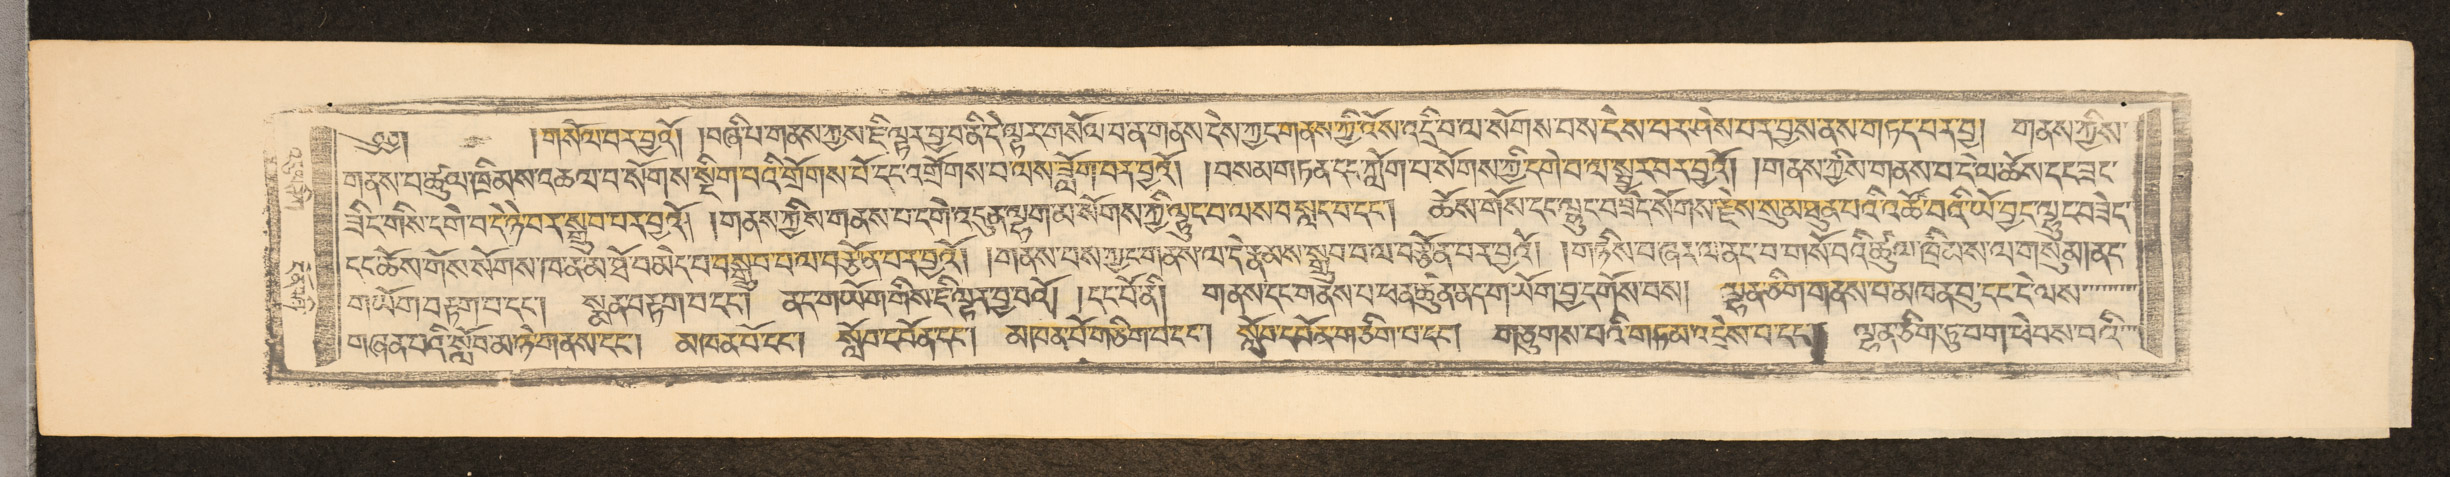༄༅། །གསོལ་བར་བྱའོ། །བཞི་པ་གནས་ཀྱིས་ཇི་ལྟར་བྱ་བ་ནི་དེ་ལྟར་གསོལ་བ་ན་གནས་དེས་ཀྱང་གནས་ཀྱི་འོས་འདྲི་བ་ལ་སོགས་པས་ངེས་པར་ཤེས་པར་བྱས་གནས་གཏད་པ་ར་བྱ། གནས་ཀྱིས་
གནས་པ་ཚུལ་ཁྲིམས་འཆལ་བ་སོགས་སྡིག་པའི་གྲོགས་པོ་དང་འགྲོགས་པ་ལས་ཟློག་པར་བྱའོ། །བསམ་གཏན་དང་ཀློག་པ་སོགས་ཀྱི་དགེ་བ་ལ་སྤྱད་བར་བྱའོ། །གནས་ཀྱིས་གནས་པ་དེ་ལ་ཆོས་དང་ཟང་
ཟིང་གིས་དགེ་བ་དེ་ཉེ་བར་སྒྲུབ་པར་བྱའོ། །གནས་ཀྱིས་གནས་པ་དགེ་འདུན་ལྷག་མ་སོགས་ཀྱི་ལྟུང་བ་ལས་བསླང་བ་དང་། ཆོས་གོས་དང་ལྷུང་བཟད་སོགས་རྗེས་སུ་མཐུན་པའི་འཚོ་བའི་ཡོ་བྱད་ལྷུང་བཟེད་
དང་ཆོས་གོས་སོགས་ཁ་ན་མ་ཐོ་བ་མེད་པ་བསྒྲུབ་པ་ལ་བརྩོན་པར་བྱའོ། །གནས་པས་ཀྱང་གནས་ལ་དེ་རྣམས་སྒྲུབ་པ་ལ་བརྩོན་པར་བྱའོ། །གཉིས་པ་ཞར་ལ་ནད་པ་གསོ་བའི་ཚུལ་ཁྲིམས་ལ་གསུམ་ནད་
གཡོག་བརྟག་པ་དང་། སྨན་བརྟག་པ་དང་། ནད་གཡོག་གིས་ཇི་ལྟར་བྱ་བའོ། །དང་པོ་ནི། གནས་དང་གནས་པ་ཕན་ཚུན་ནད་གཡོག་བྱ་དགོས་པས། ལྷན་ཅིག་གནས་པ་མཁན་བུ་དང་དེ་ལས་
གཞན་པའི་སློབ་མ་ཉེ་གནས་དང་། མཁན་པོ་དང་། སློབ་དཔོན་དང་། མཁན་པོ་གཅིག་པ་དང་། སློབ་དཔོན་གཅིག་པ་དང་། གཅུགས་པའི་གཏམ་འདྲེས་པ་དང་། ལྷན་ཅིག་ཏུ་བག་ཕེབས་པའི་